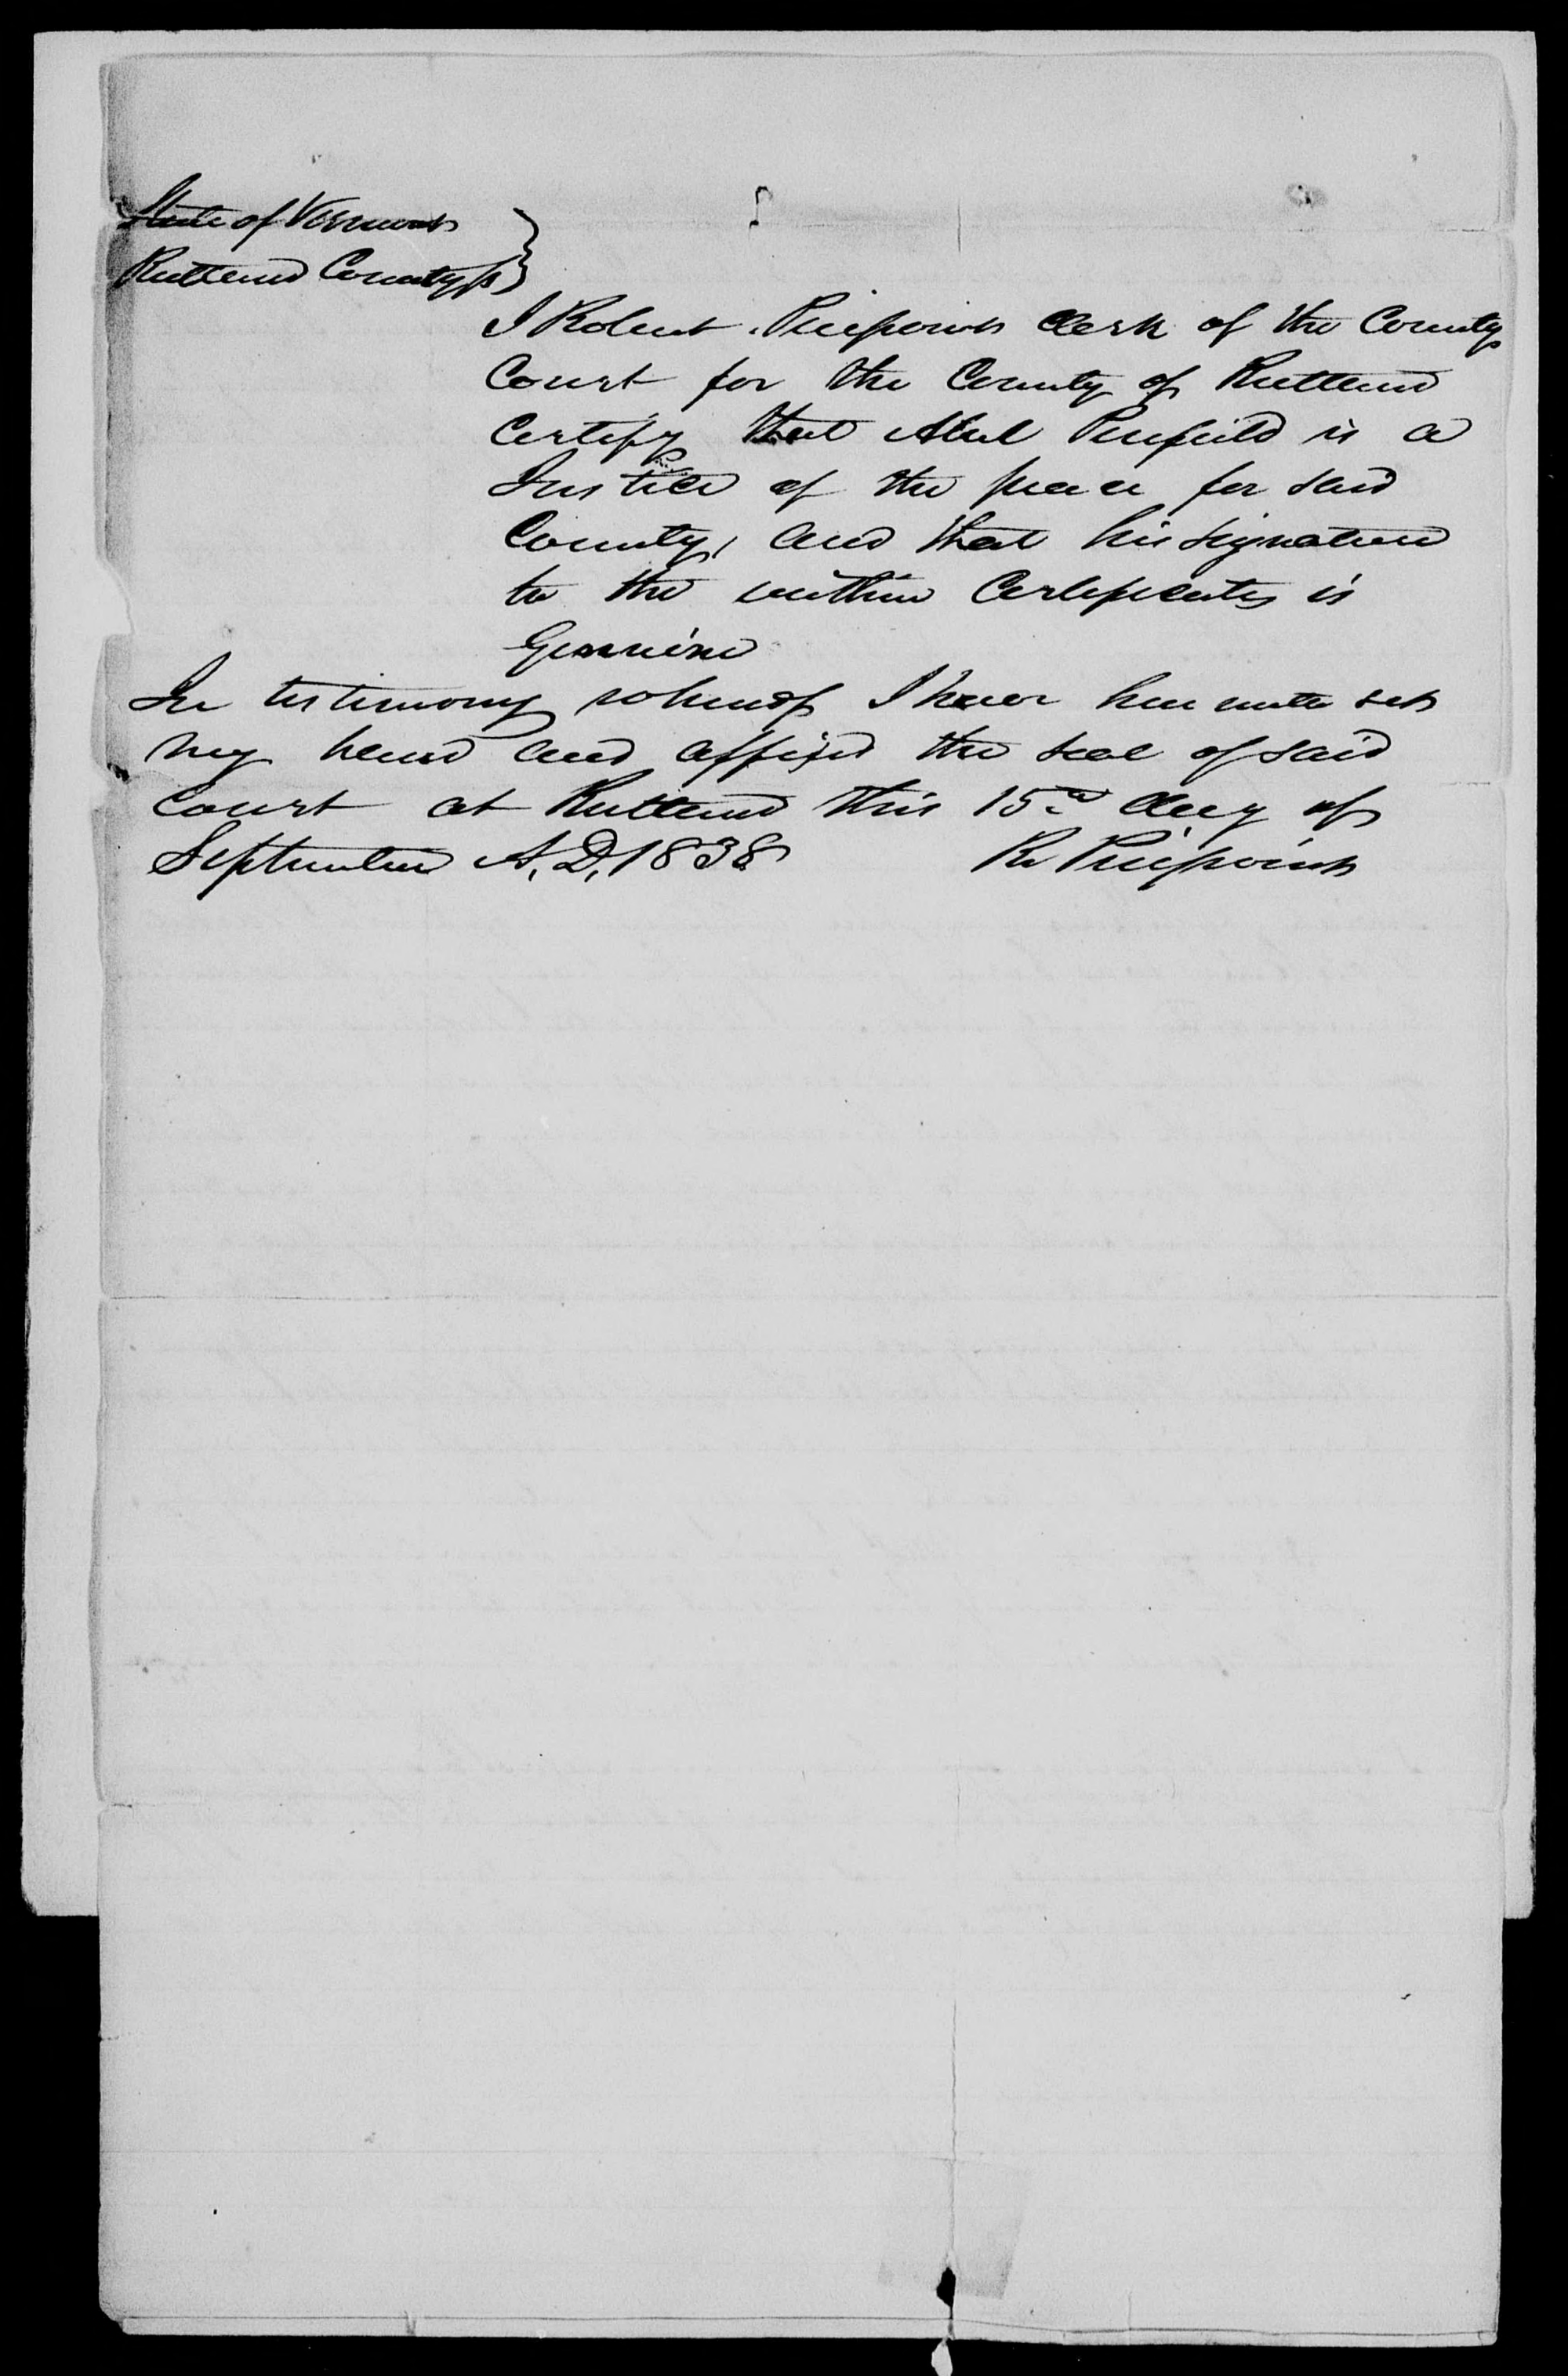State of Vermont}
Rutland County ss}  I Robert Pierpoint Clerk of the County Court for the County of Rutland certify that Abel Penfield is a Justice of the peace for said County, and that his signature to the within Certificates is Genuine

In testimony whereof I have hereto as and and affixed the Seal of said at Rutland this 15th day of September A.D. 1838  R Pierpoint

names: Abel Penfield, Robert Peirpoint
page: 74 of 144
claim: rejected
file: R. 5208, Dennis Hopkins, N.C.